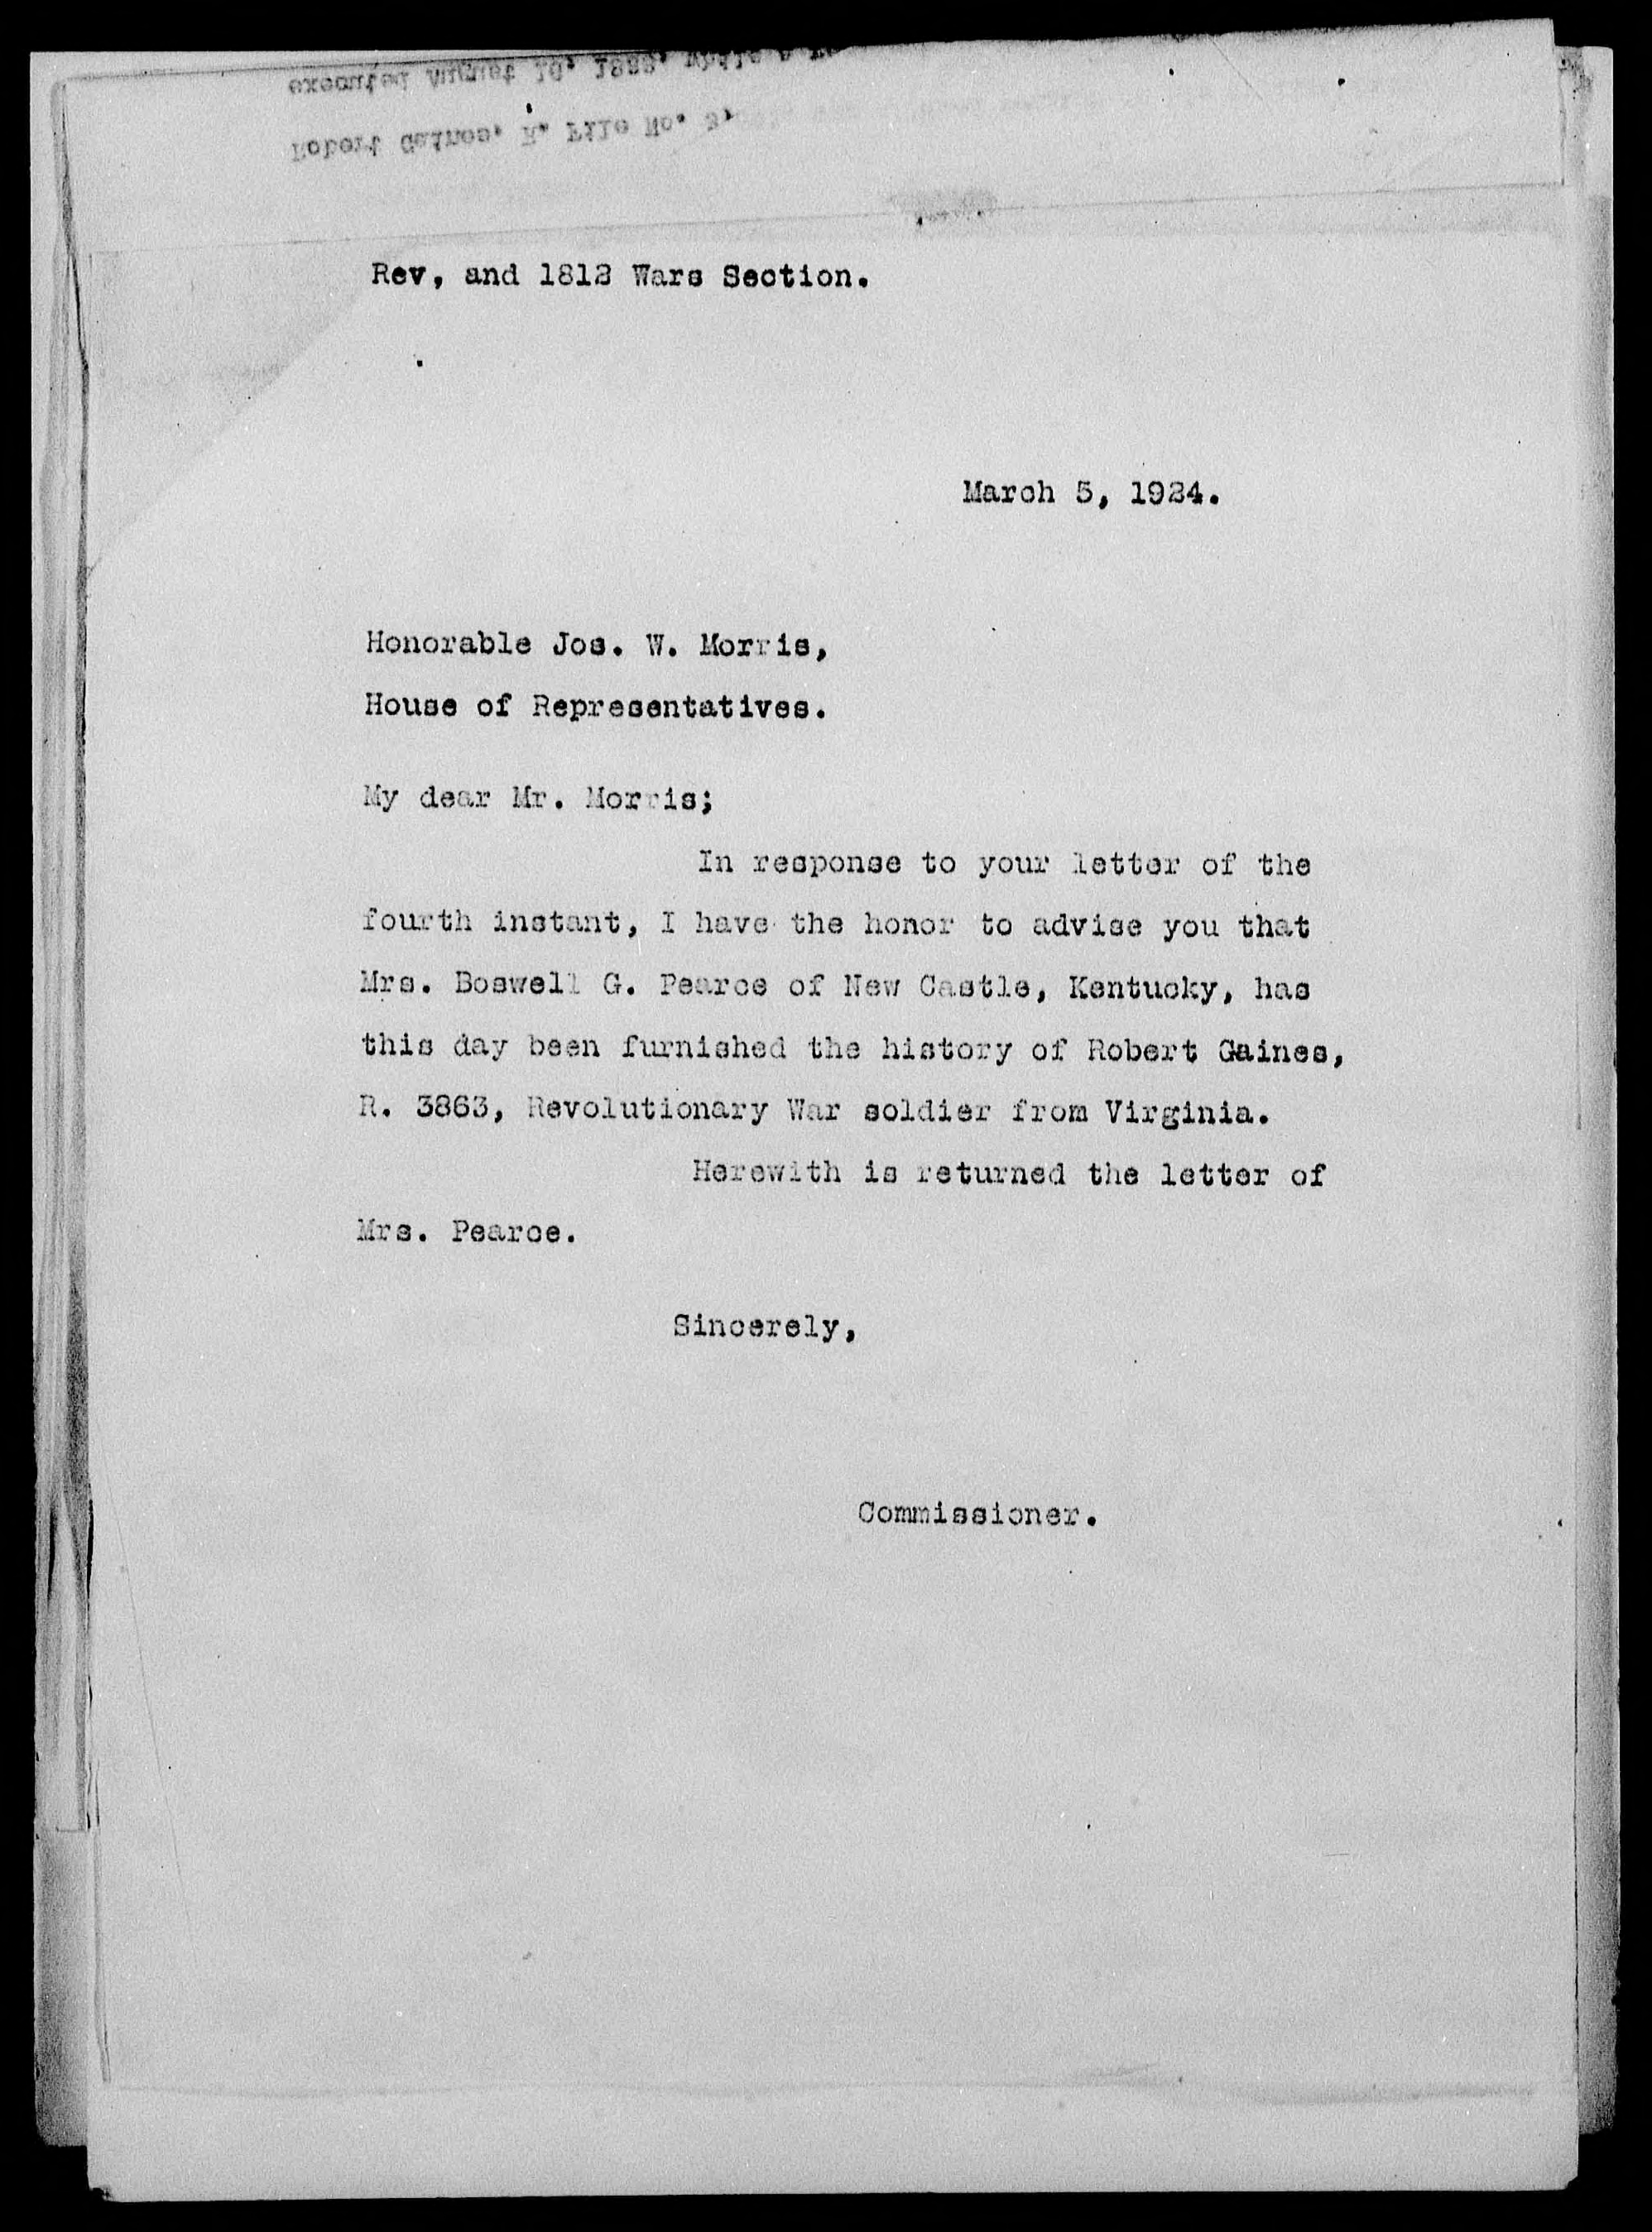Rev. and 1812 Wars Section.
March 5, 1924.
Honorable Jos. W. Morris,
House of Representatives.
My dear Mr. Morris;
In response to your letter of the
fourth instant, I have the honor to advise you that
Mrs. Boswell G. Pearce of New Castle, Kentucky, has
this day been furnished the history of Robert Gaines,
R. 3863, Revolutionary War soldier from Virginia.
Herewith is returned the letter of
Mrs. Pearce.
Sincerely,
Commissioner.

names: Boswell G Pearce, Robert Gaines, Pearce, Jos W Morris, Morris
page: 36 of 79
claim: rejected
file: R. 3863, Robert Gaines, Va.